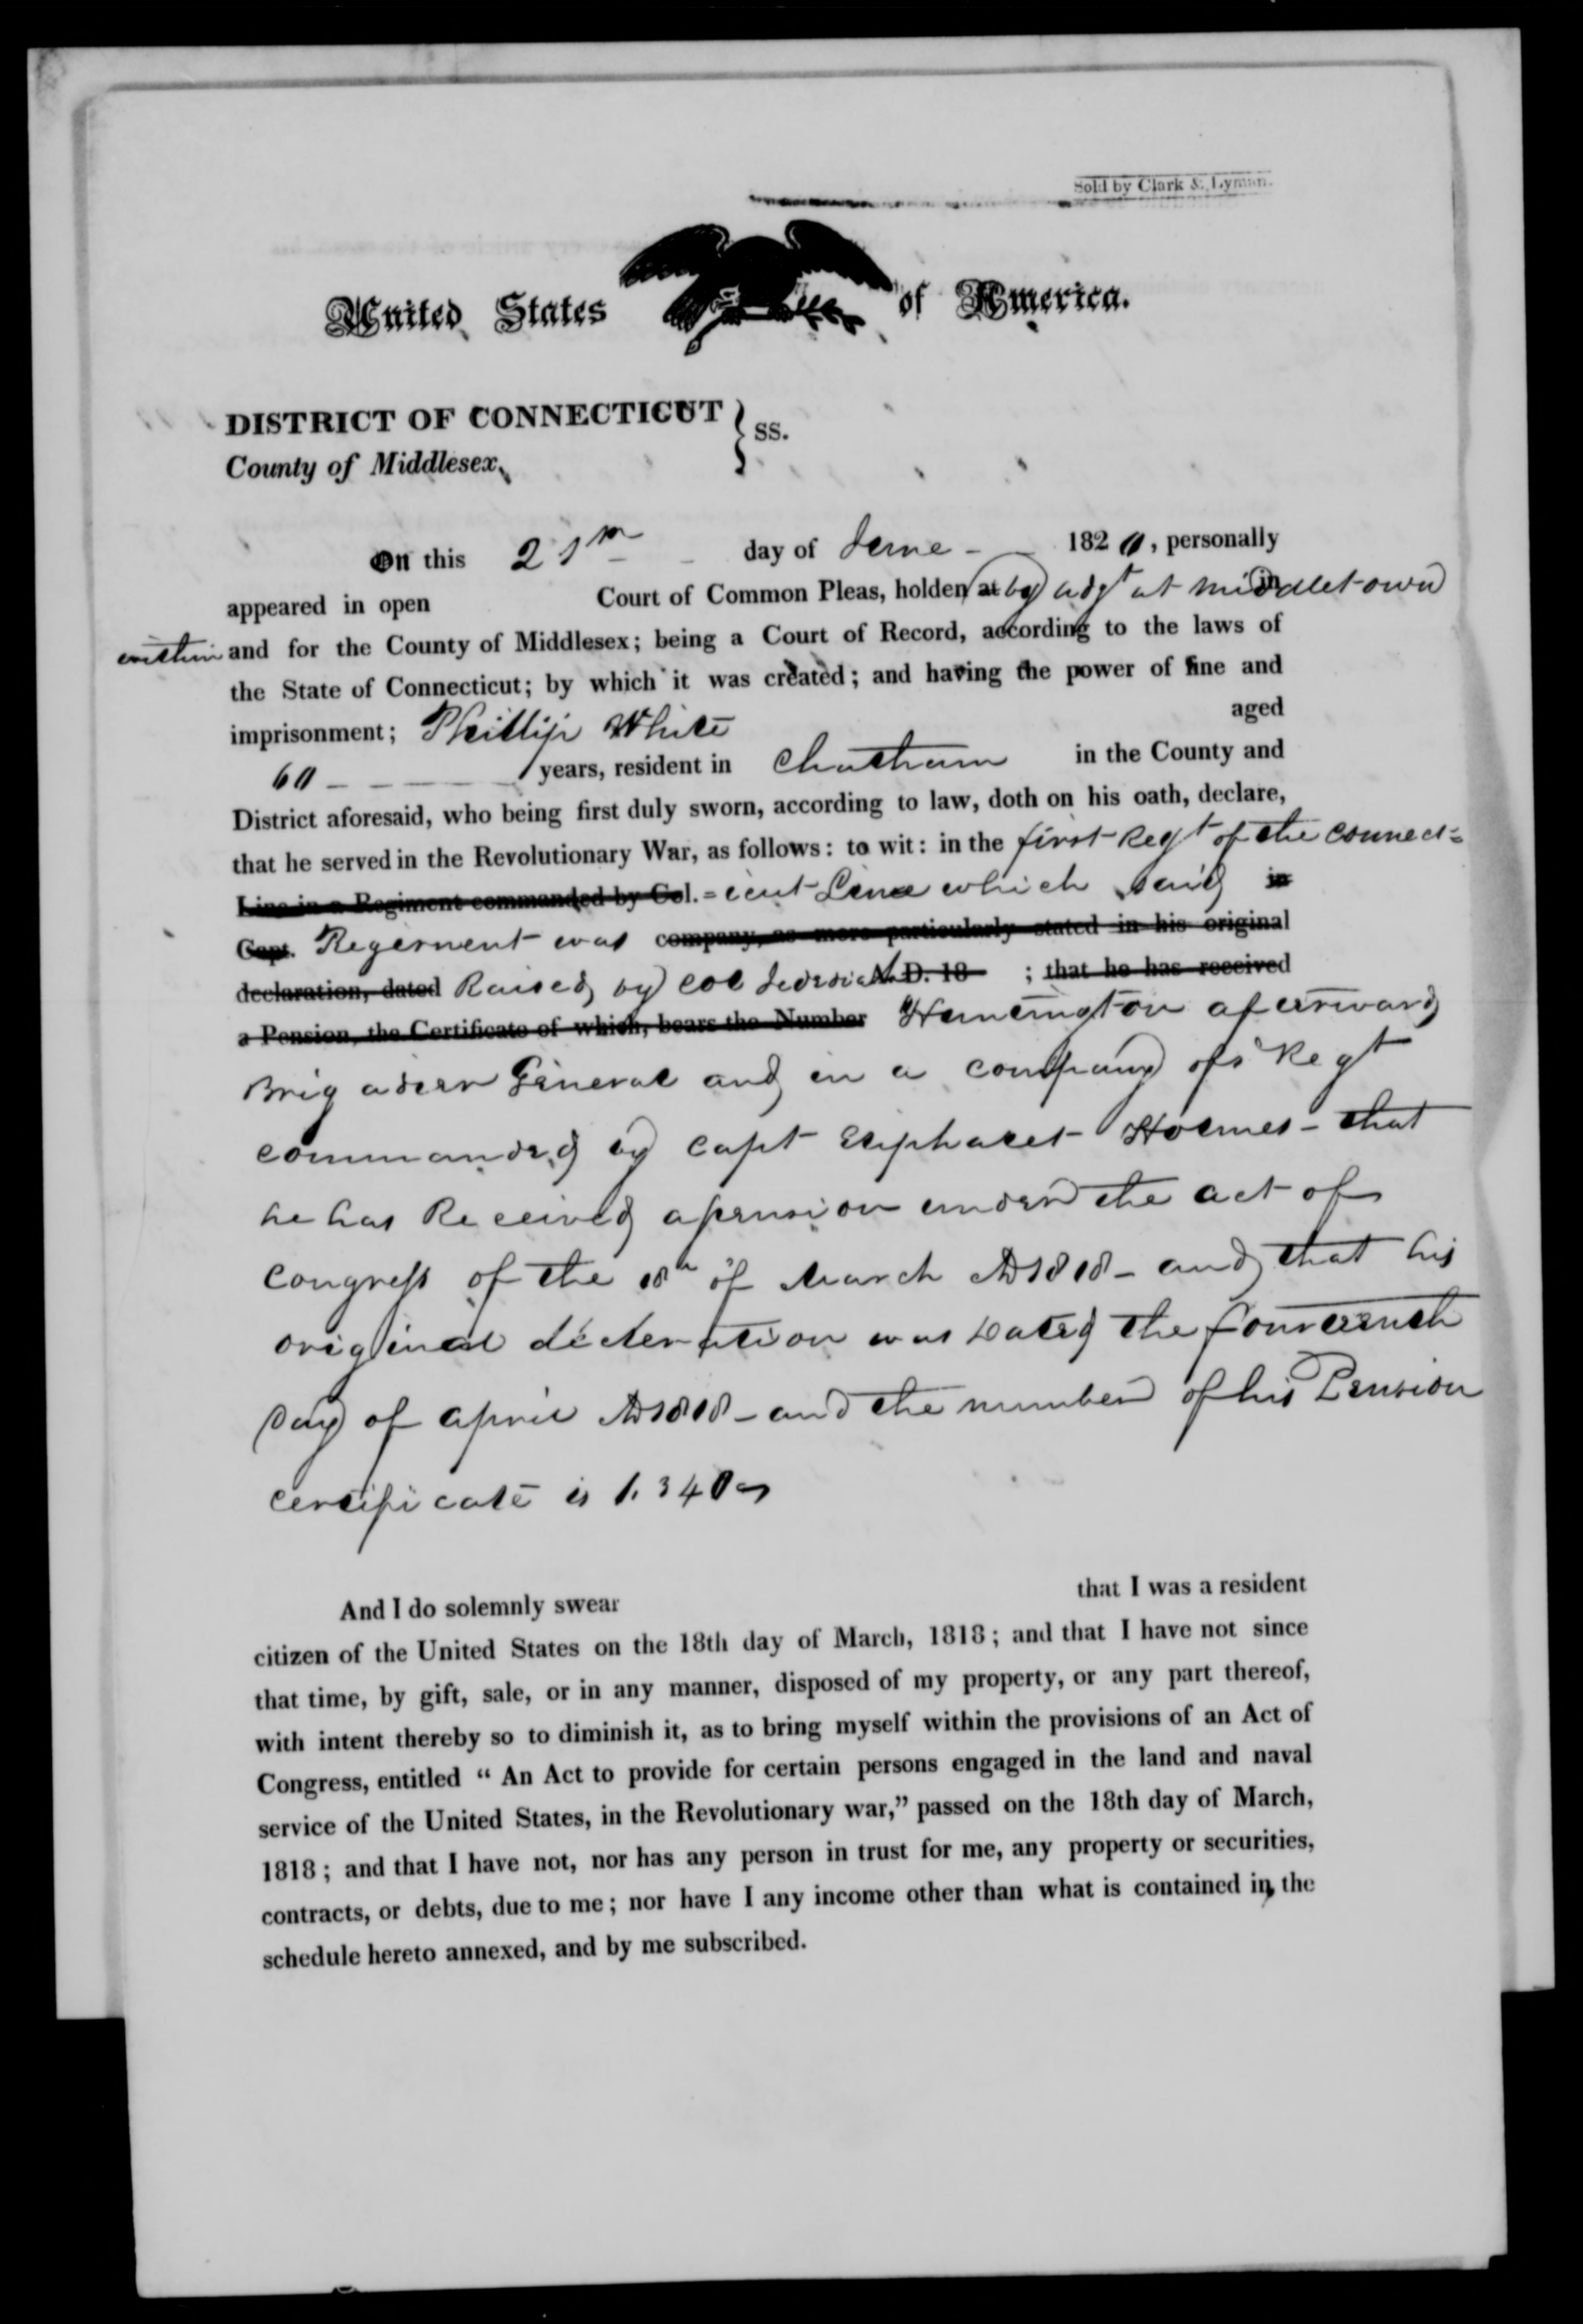Sold by Clark E. Lyman.

United States of America.

DISTRICT OF CONNECTICUT }ss.
County of Middlesex

On this 21 day of June 1820, personally
appeared in open Court of Common Pleas, holden [crossed out:] at by [illegible] at Middletown in
within and for the County of Middlesex; being a Court of Record, according to the laws of
the State of Connecticut; by which it was created; and having the power of fine and
imprisonment; Phillip White aged 
60 years, resident in Chatham in the County and
District aforesaid, who being first duly sworn, according to law, doth on his oath, declare,
that he served in the Revolutionary War, as follows: to wit; in the first Regt of the 
[seven words, crossed out:] Line in a Regiment commanded by Col. Connecticut Line which said [crossed out:] in
[crossed out:] Capt. Regiment was [crossed out, the rest of this line:] company as more particularly stated in his original
[crossed out, two words:] declaration, dated Raised by Col Jedediah [crossed out, two words:] A. D. 18 ; [the rest of this line, crossed out:] that he has received
[nine words, crossed out:] a Pension the Certificate of which bears the Number  Huntington afterward
Brigadier General and in a company of sd Regt
commanded by Capt Eliphalet Holmes-- that
he has Received a pension under the act of
Congress of the 18th of March AD 1818_ and that his
original declaration was dated the fourteenth
day of April AD 1818 and the number of his Pension
certificate is 1,340-
And I do solemnly swear that I was a resident
citizen of the United States on the 18th day of March, 1818; and that I have not since
that time, by gift, sale, or in any manner, disposed of my property, or any part thereof,
with intent thereby so to diminish it, as to bring myself within the provisions of an Act of
Congress, entitled ""An Act to provide for certain persons engaged in the land and naval
service of the United States, in the Revolutionary war,” passed on the 18th day of March,
1818; and that I have not, nor has any person in trust for me, any property or securities,
contracts, or debts, due to me; nor have I any income other than what is contained in the
schedule hereto annexed, and by me subscribed.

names: Jedediah Huntington, Phillip White, Lince, Elephalet Holmes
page: 8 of 50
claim: widow's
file: W. 25,969, Philip White, Conn.